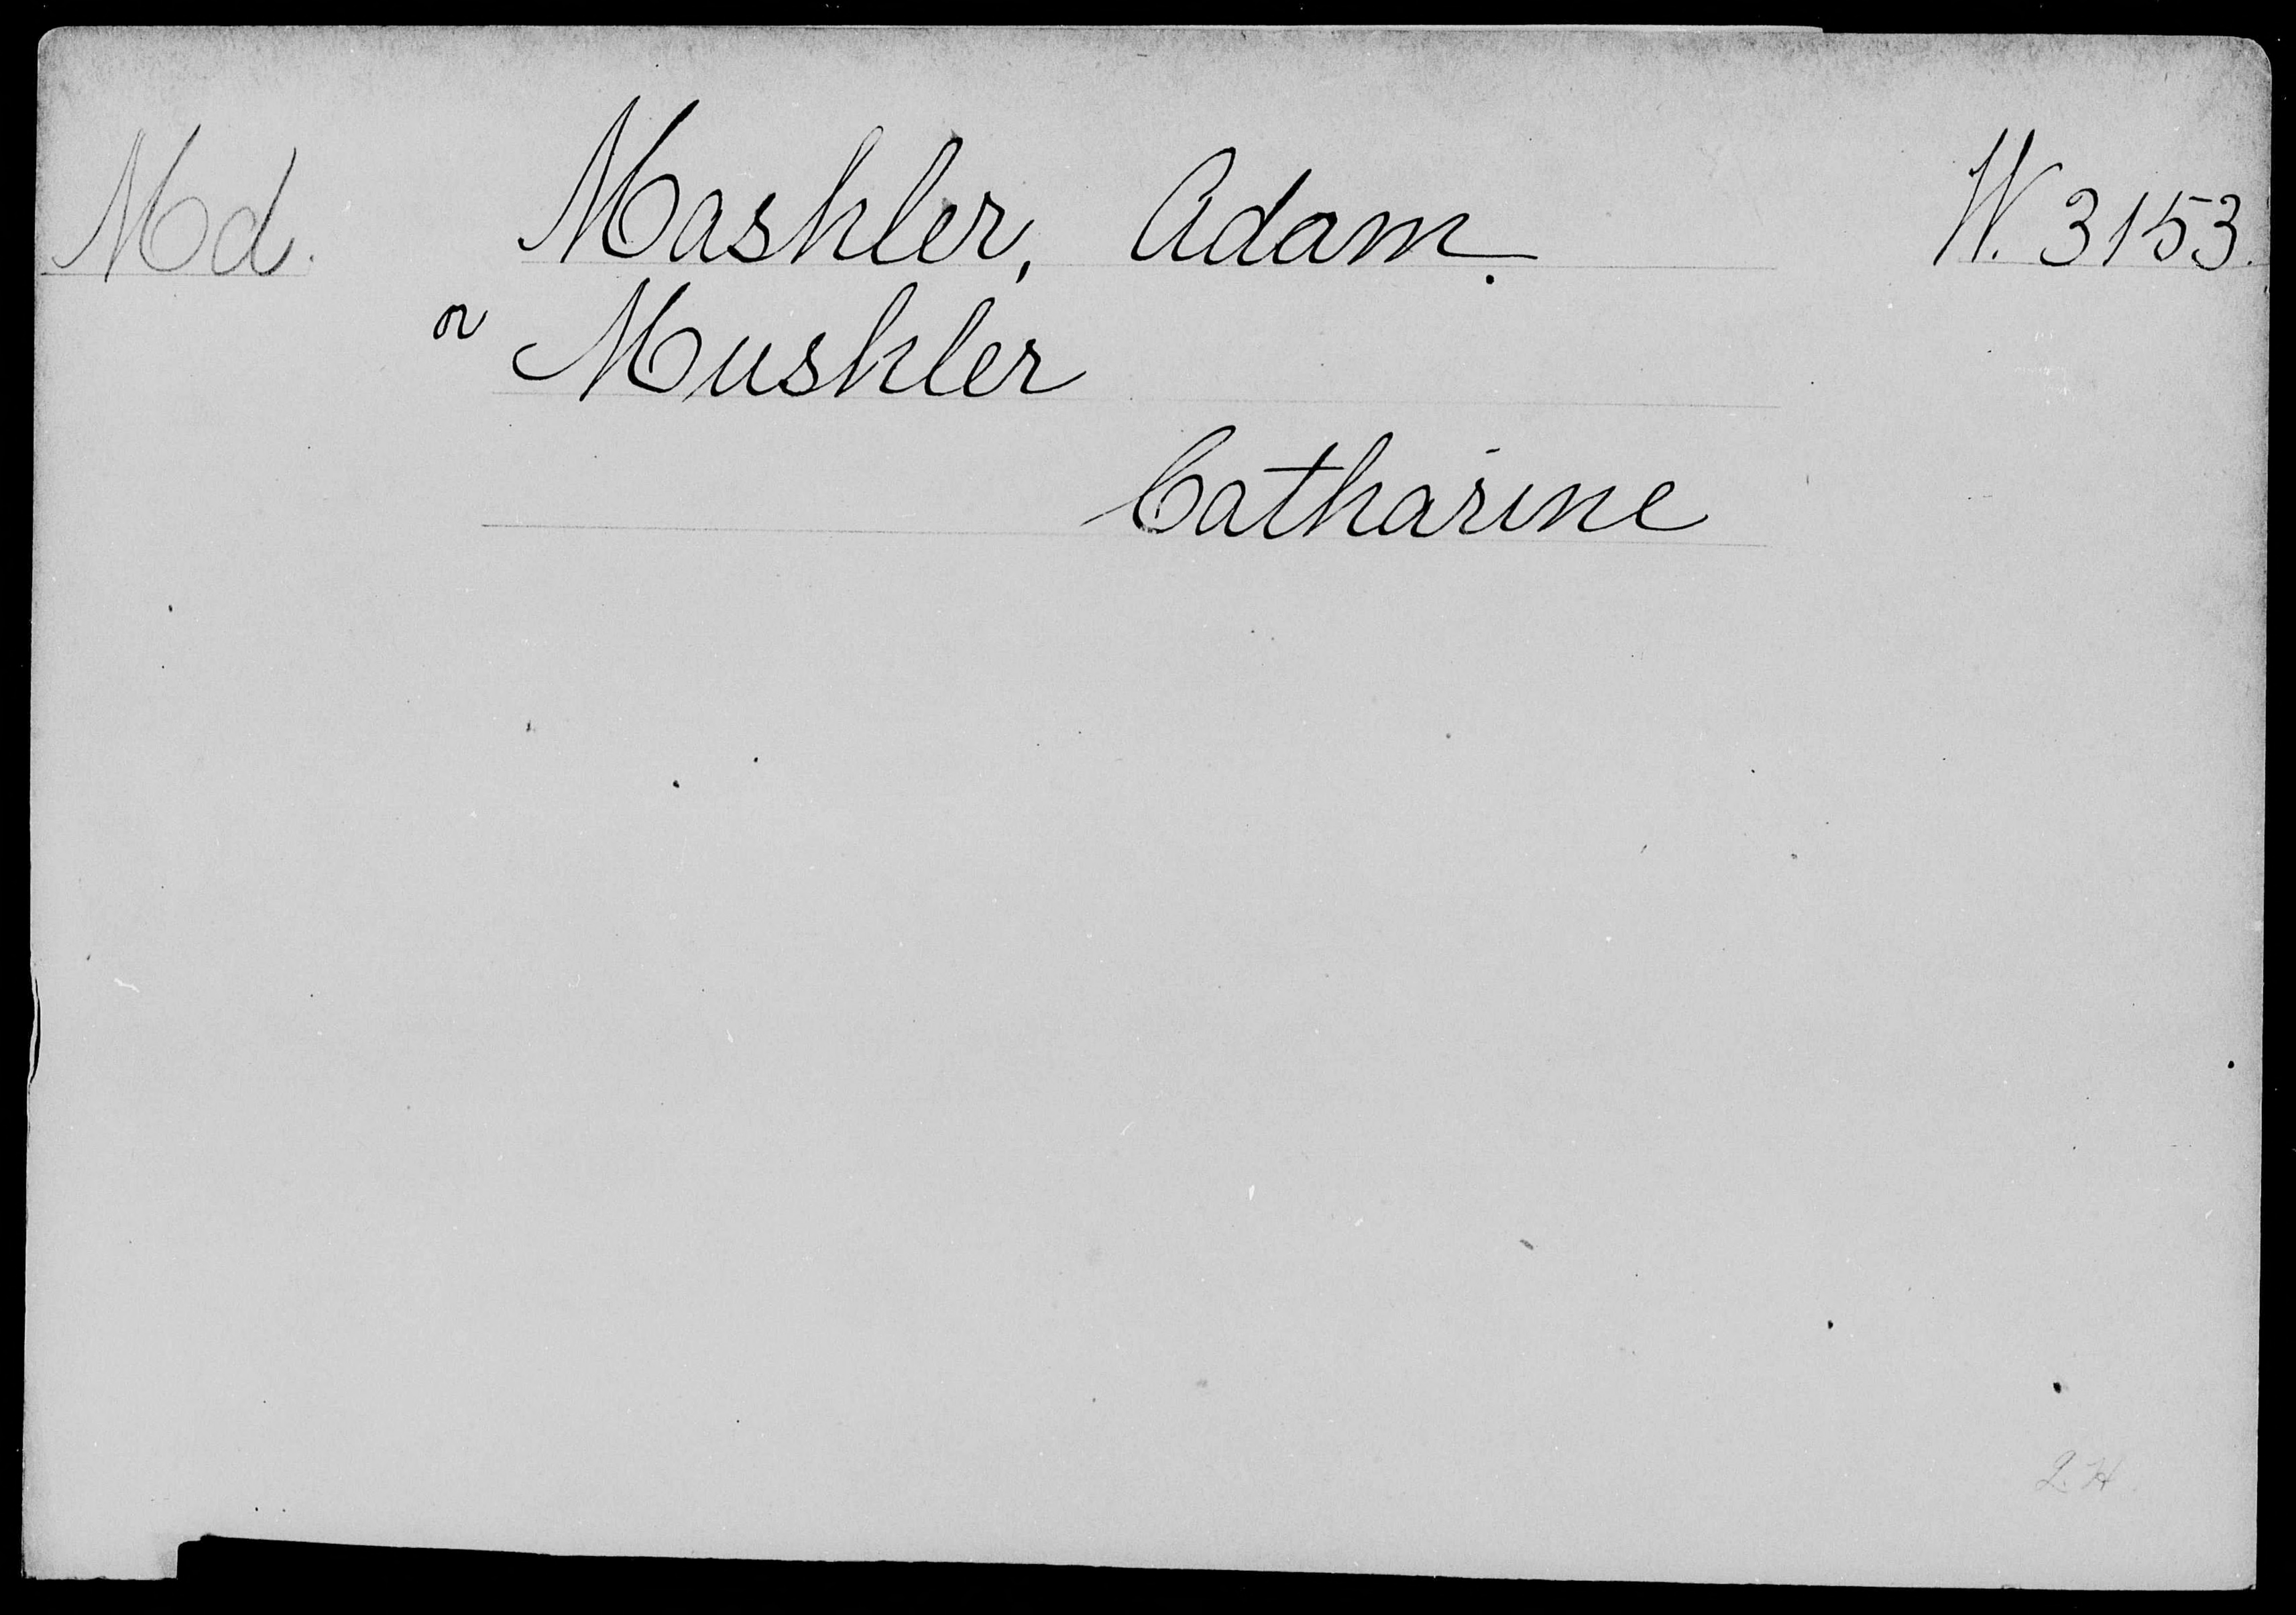Md.

Mashler, Adam
or
Mushler
Catharine

W. 3153

[bottom right corner] LH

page: 1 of 1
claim: widow's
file: W. 3153, for Adam Mashler, Maryland